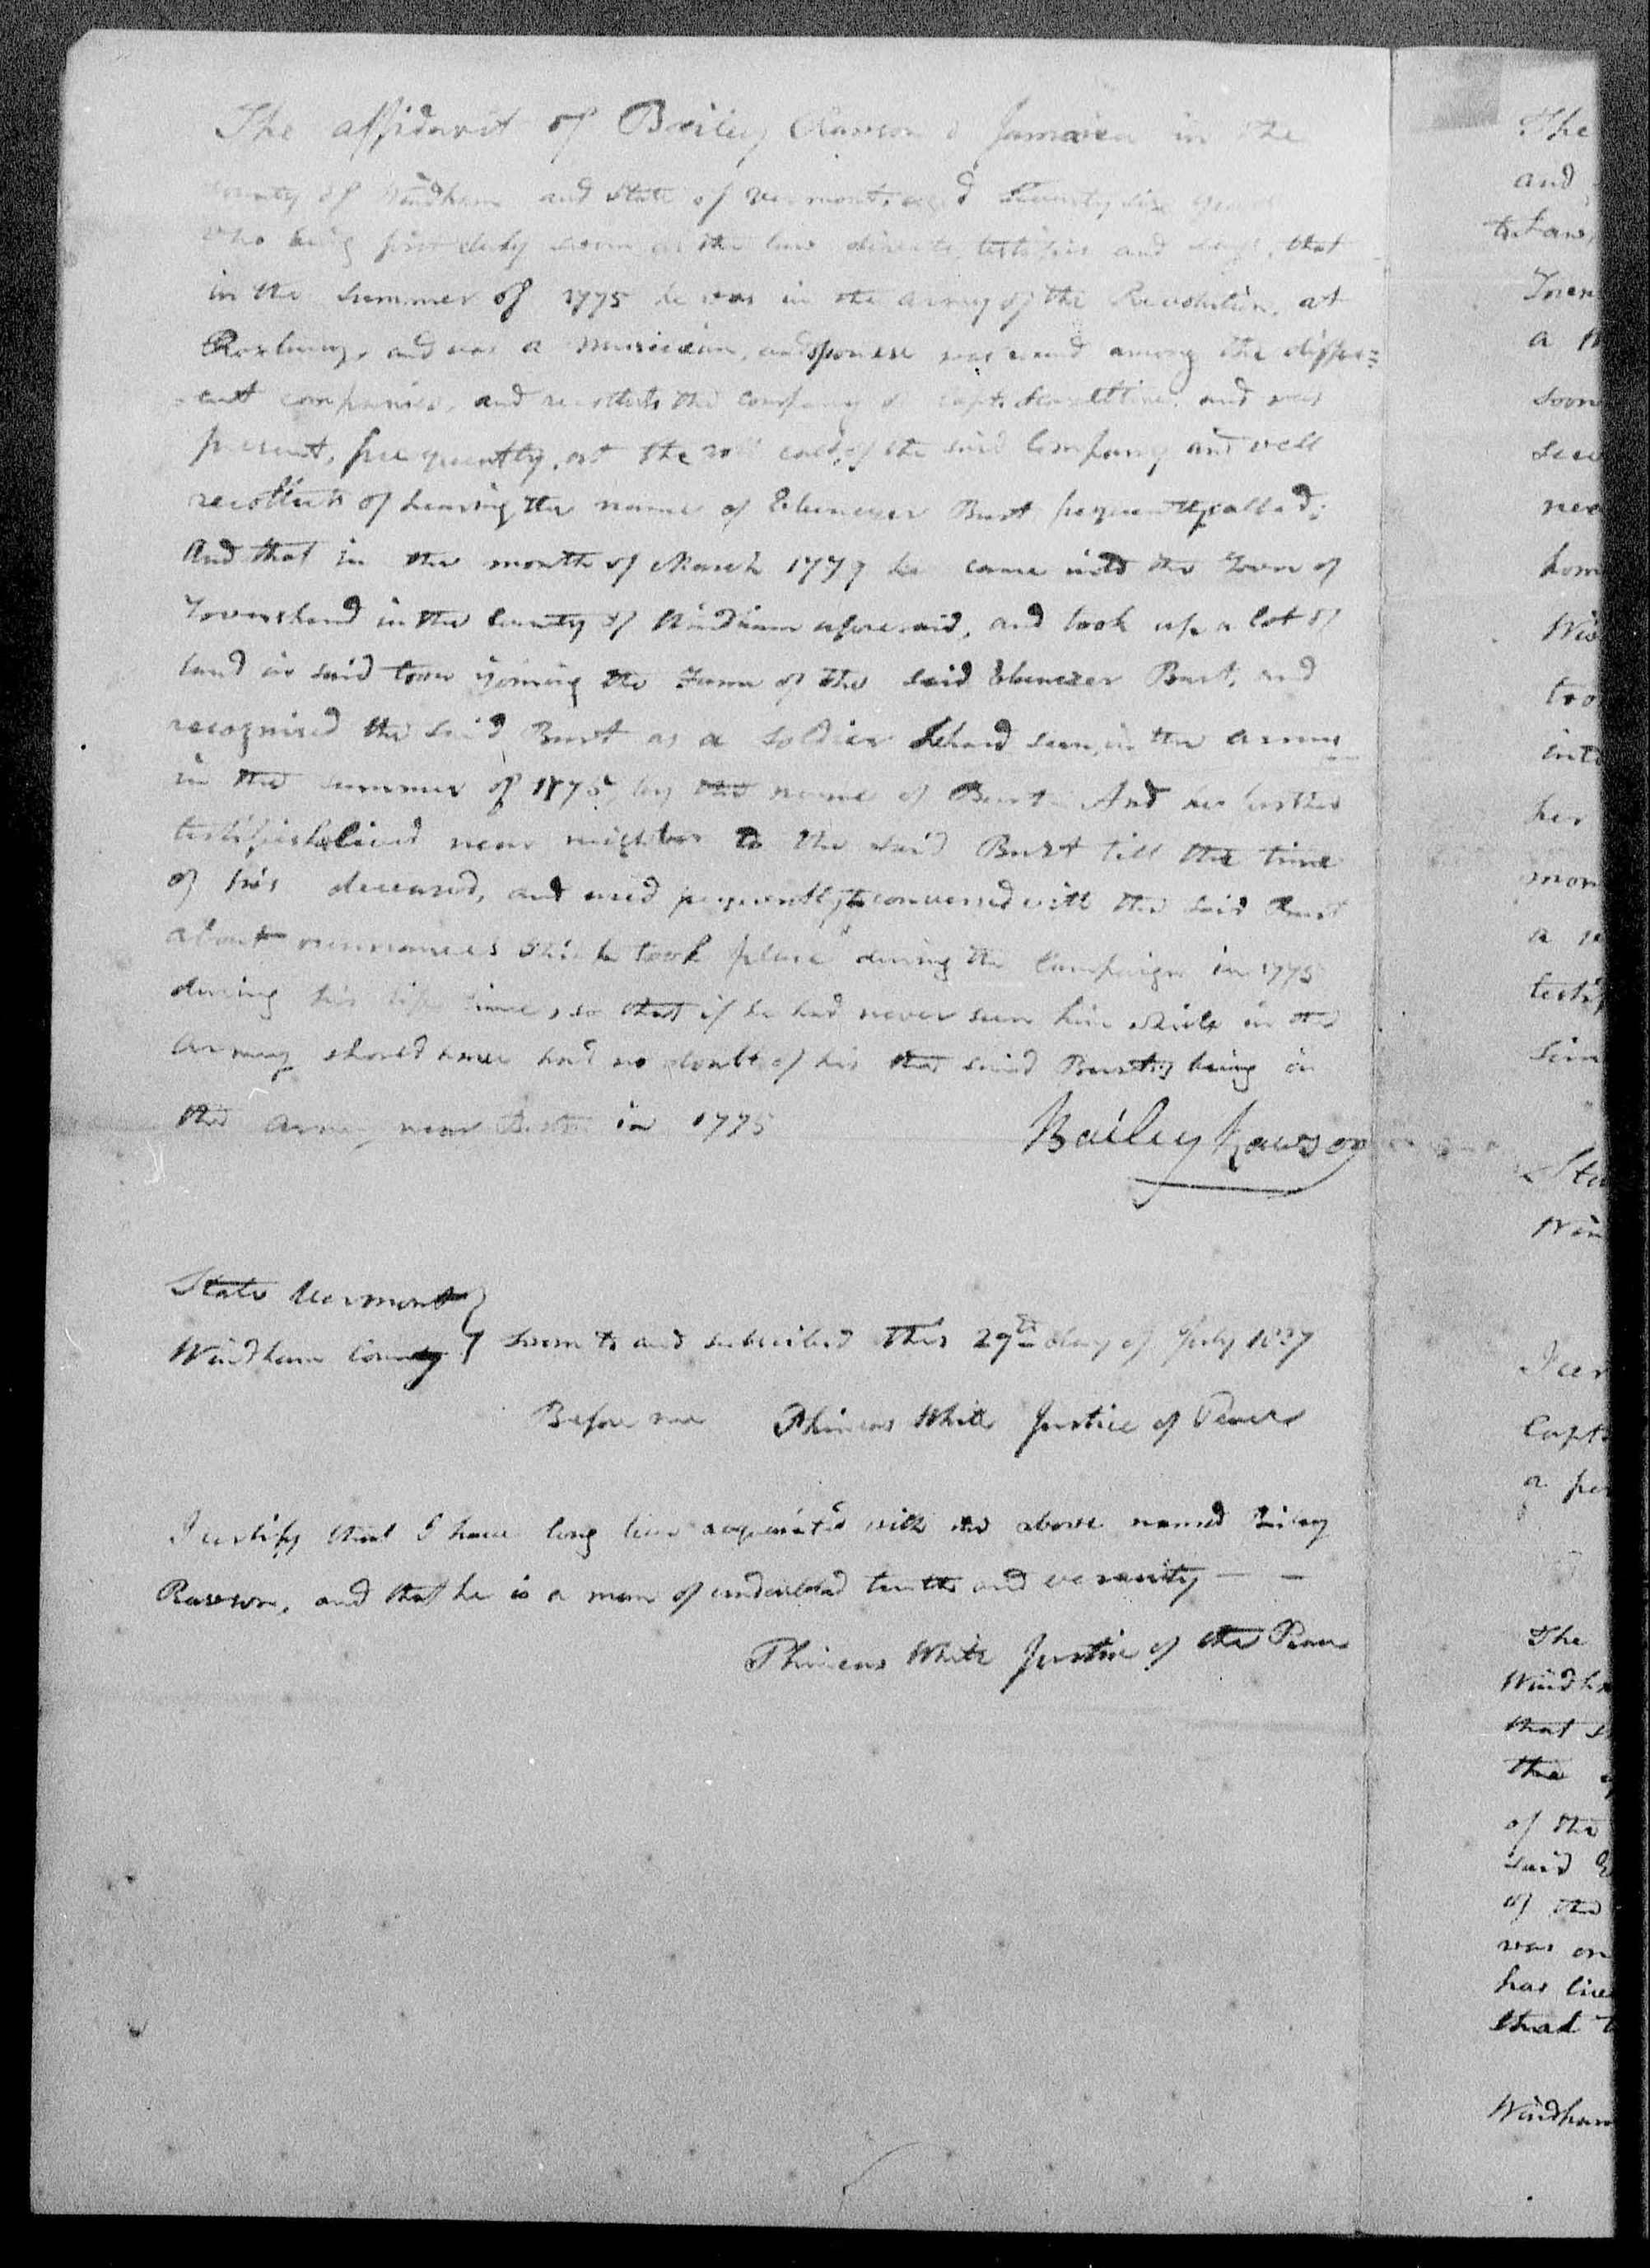The affidavit of Bailey Rawson of Jamaica in the County of Windham and State of Vermont aged twenty six years who being first duly sworn as the law directs testifies and says, that
in the summer of 1775 he was in the army of the Revolution, at Roxbury, and was a musician, and [illegible] was [illegible] among the different companies, and recollects the company of Capt. Hazeltine, and was
present, frequently at the roll call of the said Company and well recollects of hearing the name of Ebenezer Burt frequently called. And that in the month of March 1779 he came into the town of Townshend in the County of Windham aforesaid, and took up a lot of land in said town joining the Farm of the said Ebenezer Burt, and recognized the said Burt as a Soldier he had seen in the army in the summer of 1775 by the name of Burt - And he further testifies he lived near neighbor to the said Burt till the time of his deceased, and said frequently conversed with the said Burt about memories that took place during the campaign in 1775 during his life time, so that if he had never seen him while in the army should never had no doubt of his the said Burt being in
the army near Boston in 1775

Bailey Rawson


State Vermont
Windham County ⎬ Sworn to and subscribed this 29th day of July 1837
Before me Phineas White Justice of Peace

I certify that I have long been acquainted with the above named Baily Rawson, and that he is a man of undoubted truth and veracity - 
Phineas White Justice of the Peace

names: Hazeltine, Burt, Bailey Rawson, Phineas White, Burt, Bailey Rawson, Ebenezer Burt, Burt, Phineas White, Burt, Bailey Rawson, Ebenezer Burt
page: 11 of 17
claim: widow's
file: W. 20809, Ebenezer Burt, Mass.